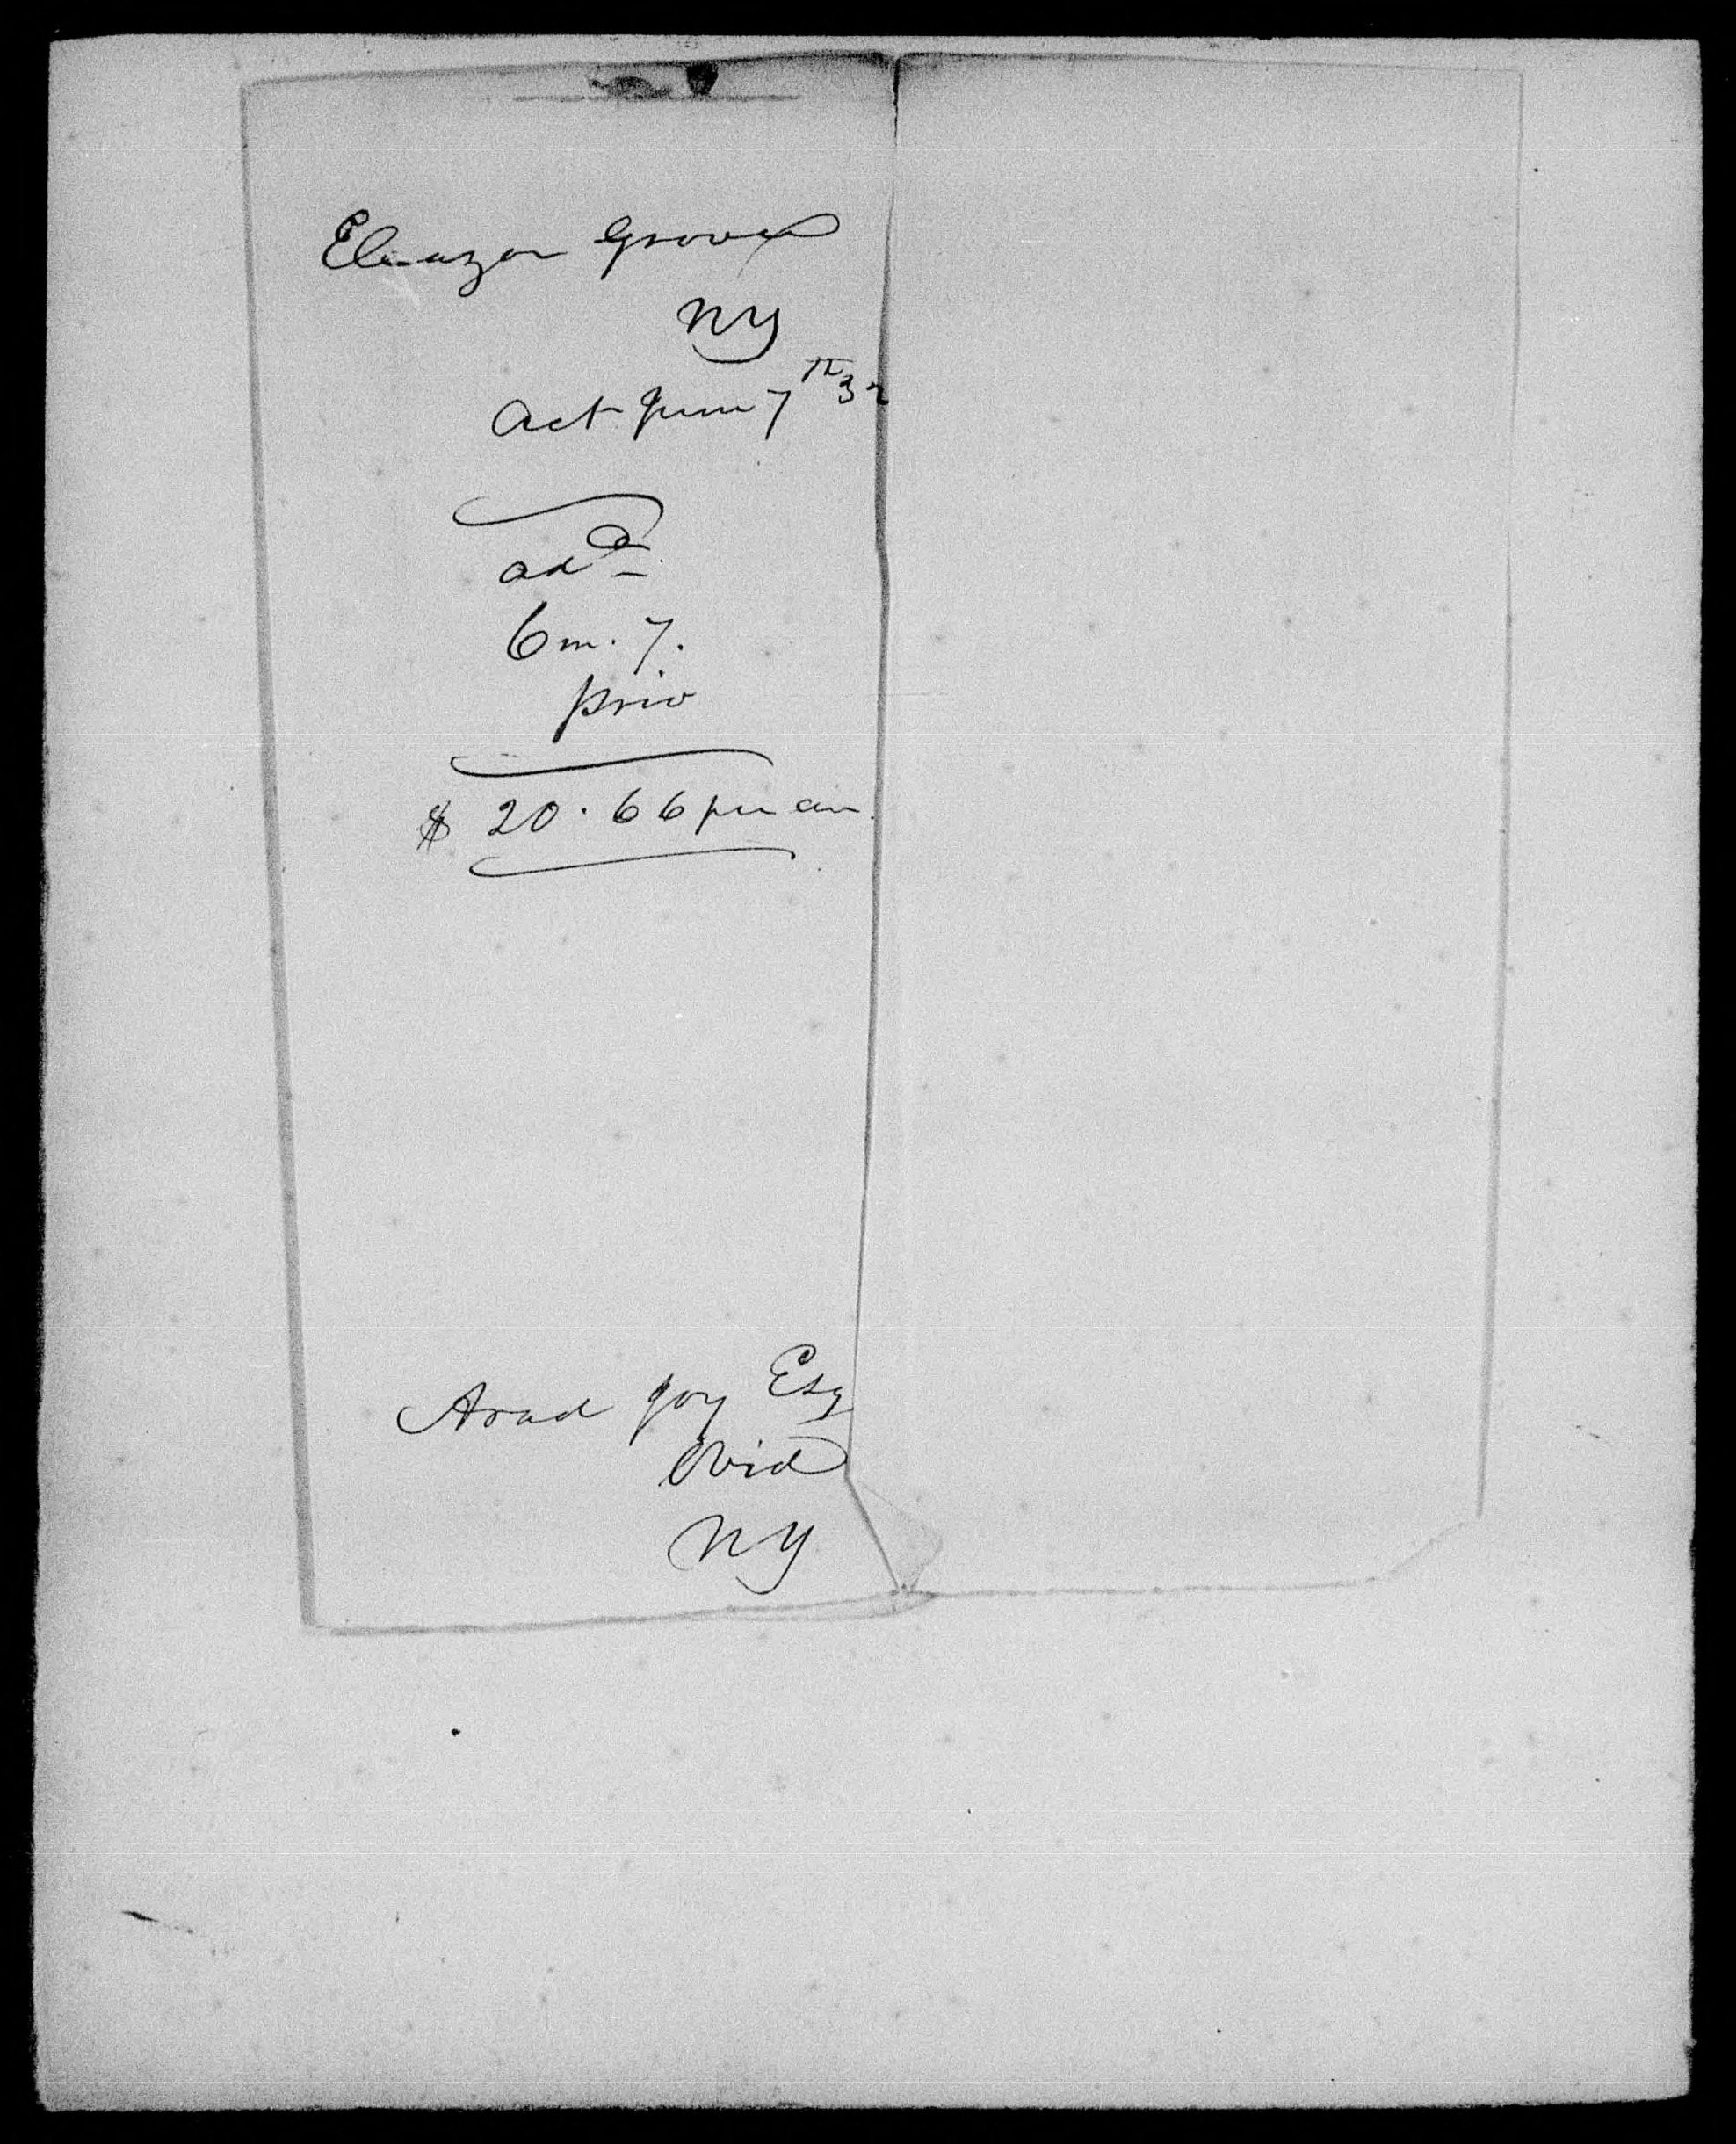Eleazer Grover NY
Act June 7th 32
ad'd 6m 7 priv
$20.66 per an.

Arad Joy Esq
Ovid NY.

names: Eleazor Grover, Arad Joy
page: 33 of 43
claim: survivor's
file: S. 28748, Eleazer Grover, Continental Mass. Vt.